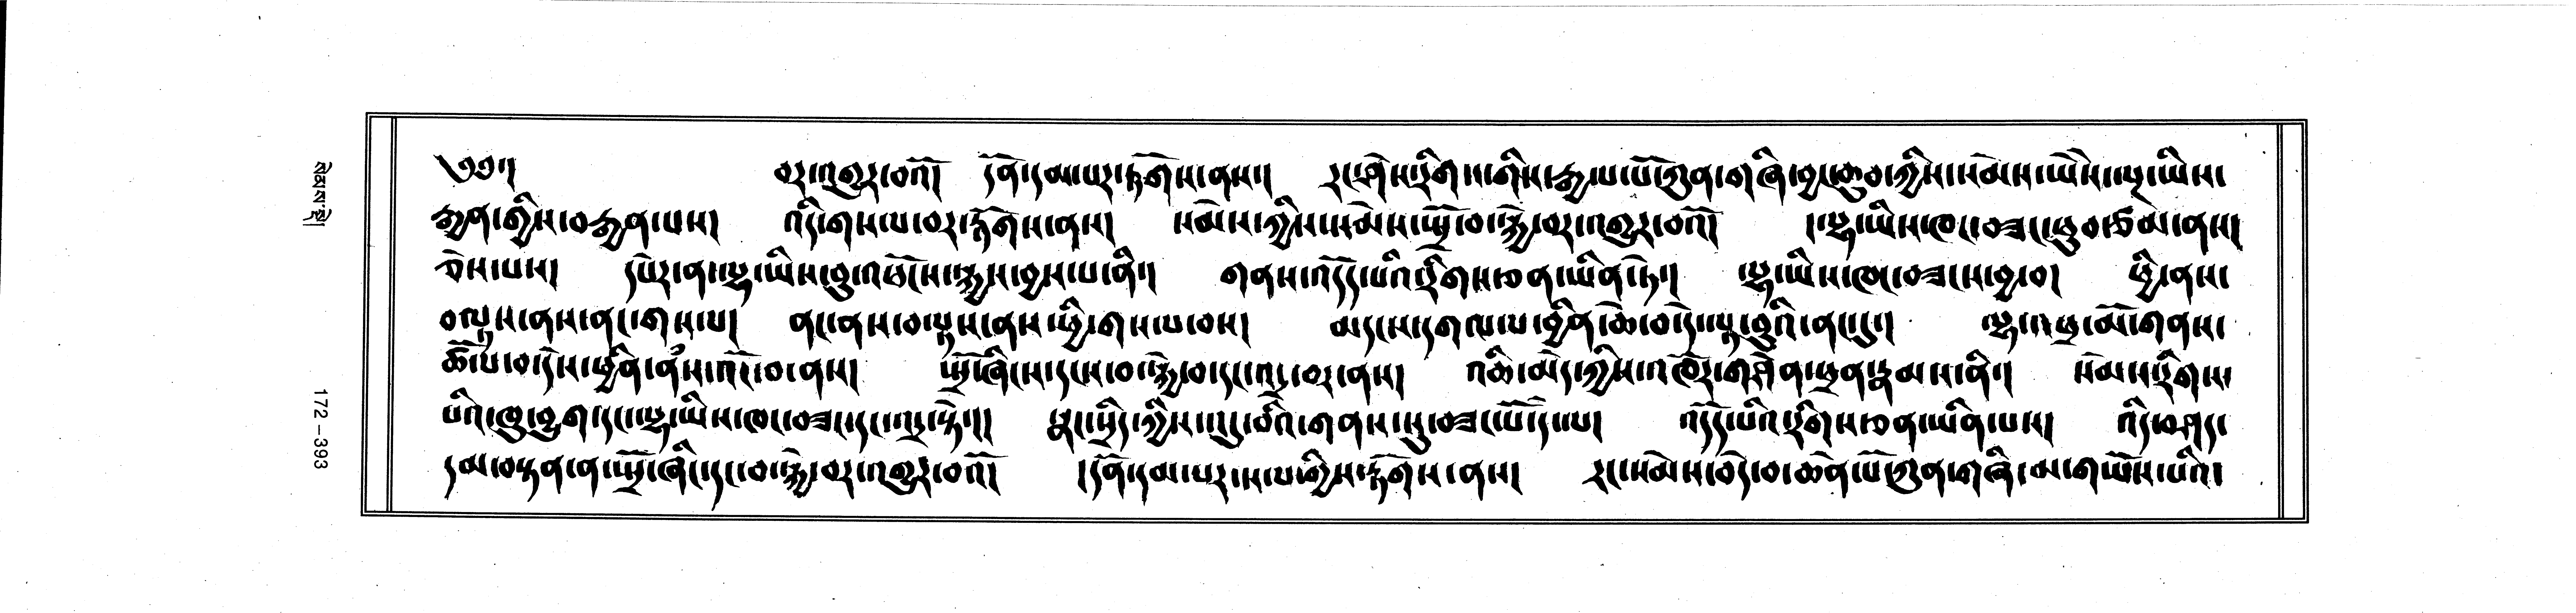བར་འགྱུར་བའོ། དོན་དམ་པར་རྟོགས་ནས། རང་ཤེས་རིགས་གིས་རྒྱལ་པོ་ཀུན་གཞི་བྱང་ཆུབ་ཀྱིས་སེམས་ཡེ་ཤེས་ལྔ་ཡིས་
རྒྱན་གྱིས་བརྒྱན་པས། འདི་གསལ་བར་རྟོགས་ནས། སེམས་ཀྱིས་སེམས་སྤྲོ་བ་སྐྱེ་བར་འགྱུར་བའོ། ལྷ་ཡིས་ཁང་བཟང་ཕུབ་ཙམ་ནས། 
ཅེས་པས། དཔེར་ན་ལྷ་ཡིས་བུ་འཕོངས་སྐྱས་བྱས་པ་ནི། གནས་འདོད་པའི་རིགས་ཅན་ཡིན་ཏེ། ལྷ་ཡིས་ཁང་བཟང་བྱ་བ། ཕྱི་ནས་
བལྟས་ནས་ནང་གསལ། ནང་ནས་བལྟས་ནས་ཕྱི་གསལ་བས། མདངས་དགའ་ལ་བྱིན་ཆེ་བ་དེ་ལྟ་བུའི་ནང་དུ། ལྷ་འཕྲ་མོ་གནས་
ཚོལ་བ་དེས་ཕྱིན་ནས་འོང་བ་ནས། སྤྲོ་ཞིང་དྭངས་བ་སྐྱེ་བ་དང་འདྲ་བར་ནས། འཆི་མེད་ཀྱིས་འཁོར་གཤེན་ཕྲན་རྣམས་ནི། སེམས་རིག་
པའི་ཁུ་བྱུག་དང་ལྷ་ཡིས་ཁང་བཟང་དང་འདྲ་སྟེ། སྣང་སྲིད་ཀྱིས་འདུ་བའི་གནས་སུ་བཟང་པོ་དེ་ལ། འདོད་པའི་རིགས་ཅན་ཡིན་པས། འདི་བཤད་
དམ་བསྟན་ན་སྤྲོ་ཞིང་དྭངས་བ་སྐྱེ་བར་འགྱུར་བའོ། དོན་དམ་པར་སལ་གྱིས་རྟོགས་ནས། རང་སེམས་བདེ་བ་ཆེན་པོ་ཀུན་གཞི་མ་གཡོས་